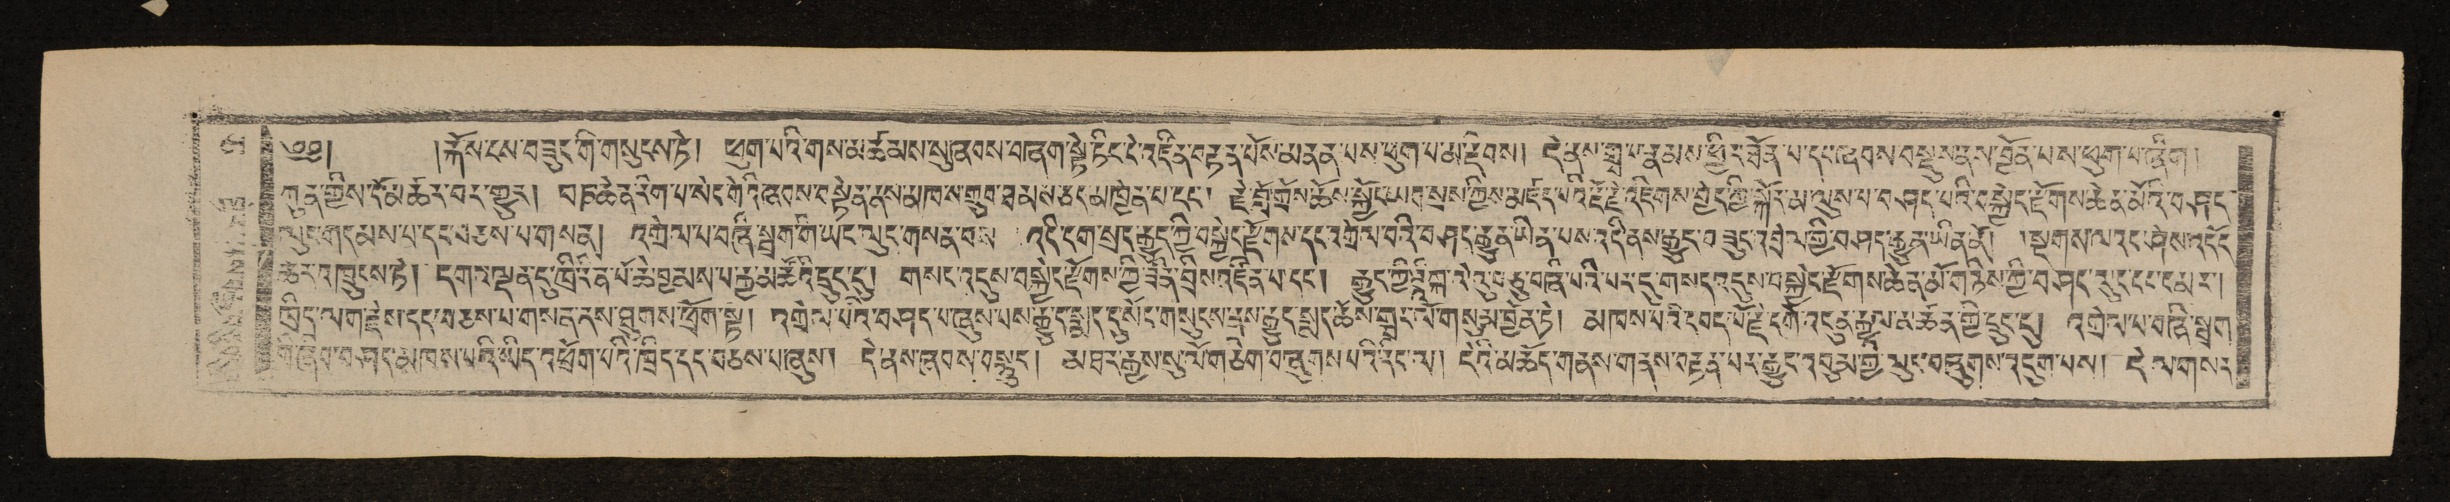༄༅། །རྐོས་བས་བཟུང་གི་གསུངས་ཏེ། ཕུག་པའི་གས་མཚམས་སུ་ཞབས་བཞག་སྟེ་ཏིང་ངེ་འཛིན་བརྟན་པོས་མནན་པས་ཕུག་པ་མ་རྡི་བས། དེ་ནས་གྲྭ་པ་རྣམས་ཕྱིར་ཐོན་པ་དང་ཞབས་བསྡུས་ནས་བྱོན་པས་ཕུག་པ་ཞིག།
ཀུན་གྱིས་ངོ་མཚར་བར་གྱུར། པཎ་ཆེན་རིག་པ་སེང་གེའི་ཞབས་བསྟེན་ནས་མཁས་གྲུབ་ཐམས་ཅད་མཁྱེན་པ་དང་། རྗེ་བློ་གྲོས་ཆོས་སྐྱོང་ཡབ་སྲས་ཀྱིས་མཛད་པའི་རྡོ་རྗེ་འཇིགས་བྱེད་ཀྱི་སྐོར་མ་ལུས་པ་བཤད་པའི་བསྐྱེད་རྫོགས་ཆེན་མོའི་བཤད་
ལུང་གདམས་པ་དང་བཅས་པ་གསན། འགྲེལ་པ་བཞི་སྦྲག་གི་ཡང་ལུང་གསན་པས། འདི་དག་སྲད་རྒྱུད་ཀྱི་བསྐྱེད་རྫོགས་དང་འགྲེལ་པའི་བཤད་རྒྱུན་ཡིན་པས་འདི་ནས་རྒྱུད་པ་ཟུང་འབྲེལ་གྱི་བཤད་རྒྱུན་ཡིན་ནོ། །སྔགས་ལའང་ཤེས་འདོད་
ཆེར་འཁྲུངས་ཏེ། དགའ་ལྡན་དུ་ཁྲི་རིན་པོ་ཆེ་བྱམས་པ་རྒྱ་མཚོའི་དྲུང་དུ། གསང་འདུས་བསྐྱེད་རྫོགས་ཀྱི་ཟིན་བྲིས་འཛིན་པ་དང་། རྒྱུད་ཀྱི་ཊཱིཀྐ་ལེའུ་བཅུ་བཞི་པའི་བར་དུ་གསང་འདུས་བསྐྱེད་རྫོགས་ཆེན་མོ་གཉིས་ཀྱི་བཤད་ལུང་དང་དམར་
ཁྲིད་ལག་རྗེས་དང་བཅས་པ་གསན་ནས་ཐུགས་ཕྲོག་སྟེ། འགྲེལ་པའི་བཤད་པ་ཞུས་པས་རྒྱུད་སྨད་དུ་སོང་གསུངས་ནས་རྒྱུད་སྨད་ཆོས་གྲྭར་ལོ་གསུམ་བྱོན་ཏེ། མཁས་པའི་དབང་པོ་རྗེ་དགེ་འདུན་རྒྱལ་མཚན་གྱི་དྲུང་དུ། འགྲེལ་བ་བཞི་སྦྲག་
གི་ཞིབ་བཤད་མཁས་པའི་ཡིད་འབྲོག་པའི་ཁྲིད་དང་བཅས་པ་ཞུས། དེ་ནས་ཞབས་བསྙུང་། མཐར་རྒྱས་སུ་ལོ་གཅིག་བཞུགས་པའི་རིང་ལ། དེའི་མཆོད་གནས་གནས་བརྟན་པར་རྒྱུད་འབུམ་གྱི་ལུང་བཞུགས་འདུག་པས། དེ་ལ་གསར་